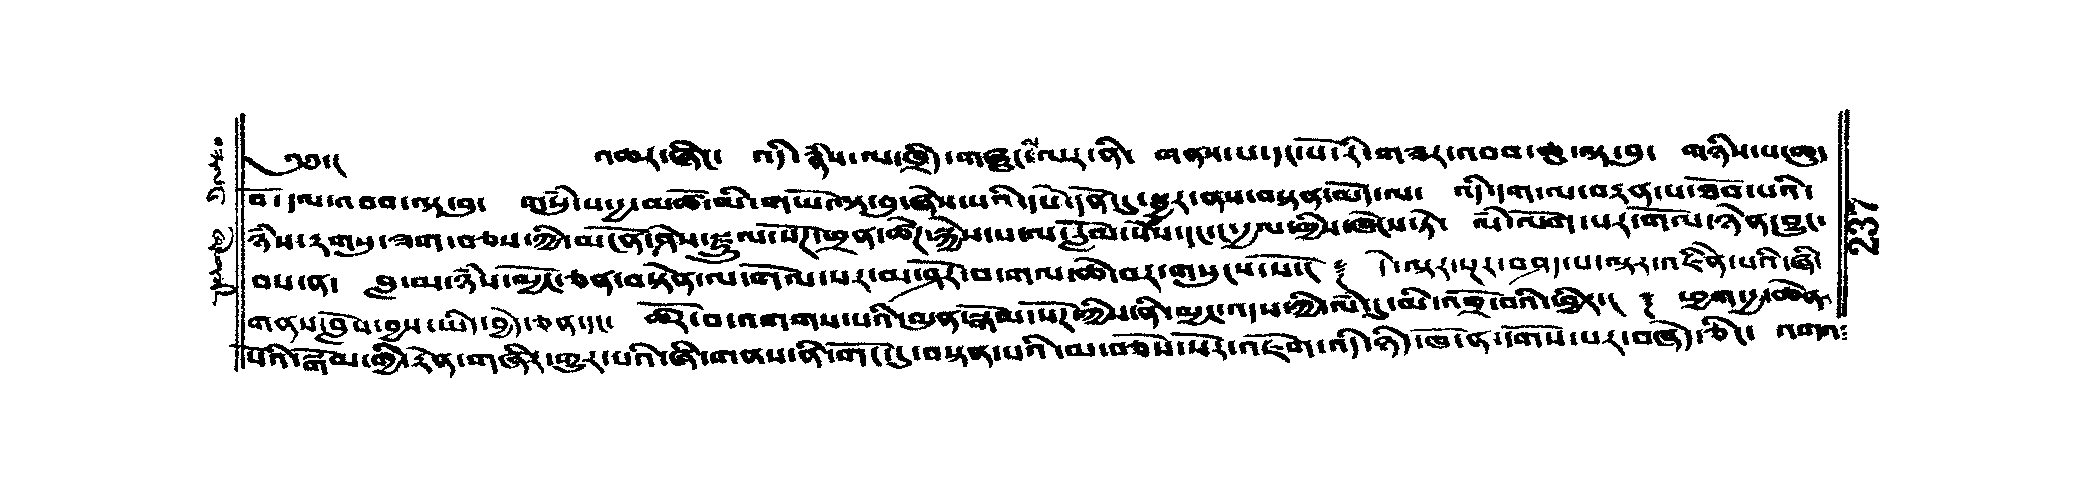འཆར་ཞིང་། འདི་རྣམས་ལ་ཁྲིད་གཞུང་ལ་ལར་ནི། གནས་པ་དང་པོ་རི་གཟར་འབབ་ཆུ་ལྟ་བུ། གཉིས་པ་ཆུ་
བོ་དལ་འབབ་ལྟ་བུ། གསུམ་པ་རྒྱ་མཚོ་མི་གཡོ་ལྟ་བུ་ཞེས་པའི་དཔེ་དོན་དུ་སྦྱར་ནས་བསྟན་མོད་ལ། འདི་དག་ལ་བརྟན་པ་ཐོབ་པའི་
ཉམས་རྟགས་སུ་ཟག་བཅས་ཀྱི་མངོན་ཤེས་རྫུ་འཕྲུལ་སོགས་ཕྲན་ཚེགས་སྐྱེས་པ་ལ་རློམ་སེམས་དང་ང་རྒྱལ་གྱིས་ཁེངས་ཏེ། ལམ་ལོག་པར་གོལ་ཉེན་བྱུང་
བས་ན། བླ་མ་ཉམས་མྱོང་ཅན་བསྟེན་ལ་གོལ་སར་མ་ཤོར་བ་གལ་ཆེ་བར་གསུངས་སོ།༈ དེ་ལྟར་སྔར་བཤད་པ་ལྟར་འཇིག་རྟེན་པའི་ཞི་
གནས་བློས་བྱས་ཡིད་བྱེད་ཅན་དང་། ཚོར་བ་འགགས་པའི་མུན་སྒོམ་སོགས་ཀྱིས་ནི་མྱང་འདས་ཀྱི་ལམ་དུ་མི་འགྲོ་བའི་ཕྱིར། ༈ ཕྱག་རྒྱ་ཆེན་
པོའི་སྒོམ་གྱི་རྟེན་གཞིར་གྱུར་པའི་ཞི་གནས་ནི་གོང་དུ་བསྟན་པའི་མ་བཅོས་སོར་འཇོག་འདི་ཉིད་ཁོ་ན་དགོས་པར་བཞེད་ཅིང་། འགའ་